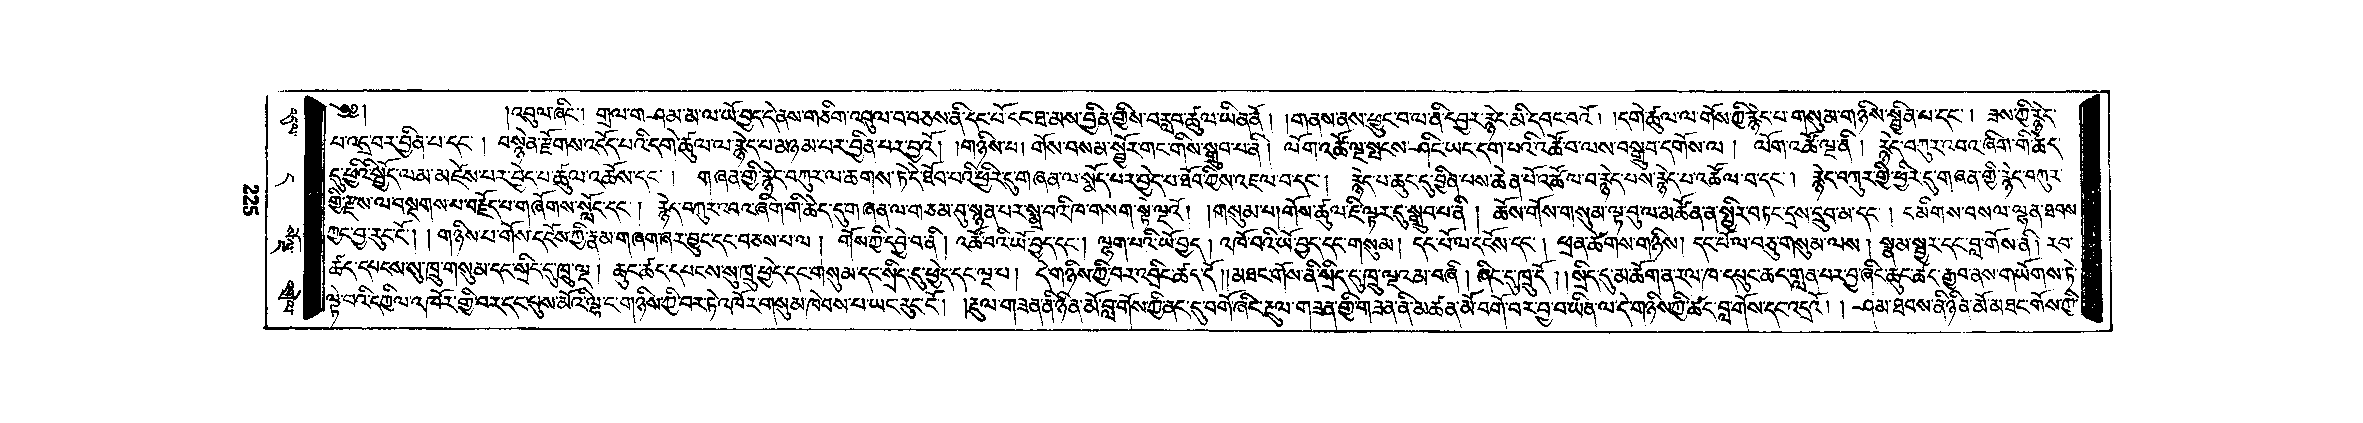༄༅། །འབུལ་ཞིང་། གྲལ་གཤམ་མ་ལ་ཡོ་བྱད་དེ་ནས་གཅིག་འབུལ་བ་བཅས་ནི་དང་པོ་དང་ཐ་མས་བྱིན་གྱིས་བརླབ་ཚུལ་ཡིན་ནོ། །གནས་ནས་ཕྱུང་བ་ལ་ནི་དབྱར་རྙེད་མི་དབང་བའོ། །དགེ་ཚུལ་ལ་གོས་ཀྱི་རྙེད་པ་གསུམ་གཉིས་སྦྱིན་པ་དང་། ཟས་ཀྱི་རྙེད་
པ་འདྲ་བར་བྱིན་པ་དང་། བསྙེན་རྫོགས་འདོད་པའི་དགེ་ཚུལ་ལ་རྙེད་པ་མཉམ་པར་བྱིན་པར་བྱའོ། །གཉིས་པ། གོས་བསམ་སྦྱོར་གང་གིས་སྒྲུབ་པ་ནི། ལོག་འཚོ་ལྔ་སྤངས་ཤིང་ཡང་དག་པའི་འཚོ་བ་ལས་བསྒྲུབ་དགོས་ལ། ལོག་འཚོ་ལྔ་ནི། རྙེད་བཀུར་འབའ་ཞིག་གི་ཆེད་
དུ་ཕྱིའི་སྤྱོད་ལམ་མཛེས་པར་བྱེད་པ་ཚུལ་འཆོས་དང་། གཞན་གྱི་རྙེད་བཀུར་ལ་ཆགས་ཏེ་དེ་ཐོབ་པའི་ཕྱིར་དུ་གཞན་ལ་སྨོད་པར་བྱེད་པ་ཐོབ་ཀྱིས་འཇལ་བ་དང་། རྙེད་པ་ཆུང་དུ་བྱིན་པས་ཆེན་པོ་འཚོལ་བ་རྙེད་པས་རྙེད་པ་འཚོལ་བ་དང་། རྙེད་བཀུར་གྱི་ཕྱིར་དུ་གཞན་གྱི་རྙེད་བཀུར་
གྱི་རྫས་ལ་བསྔགས་པ་བརྗོད་པ་གཞོགས་སློང་དང་། རྙེད་བཀུར་འབའ་ཞིག་གི་ཆེད་དུ་གཞན་ལ་གཅམ་བུ་སྙན་པར་སྨྲ་བའི་ཁ་གསག་སྟེ་ལྔའོ། །གསུམ་པ། གོས་ཚུལ་ཇི་ལྟར་དུ་སྒྲུབ་པ་ནི། ཆོས་གོས་གསུམ་ལྟ་བུ་ལ་མཚོན་ན་སྤྱིར་བཏང་དྲས་དྲུབ་མ་དང་། དམིགས་བསལ་ལྷན་ཐབས་
ཀྱང་བྱ་རུང་ངོ། །གཉིས་པ་གོས་དངོས་ཀྱི་རྣམ་གཞག་ཞར་བྱུང་དང་བཅས་པ་ལ། གོས་ཀྱི་དབྱེ་བ་ནི། འཚོ་བའི་ཡོ་བྱད་དང་། ལྷག་པའི་ཡོ་བྱད། འཁོ་བའི་ཡོ་བྱད་དང་གསུམ། དང་པོ་ལ་དངོས་དང་། ཕྲན་ཚེགས་གཉིས། དང་པོ་ལ་བཅུ་གསུམ་ལས། སྣམ་སྦྱར་དང་བླ་གོས་ནི། རབ་
ཚད་དཔངས་སུ་ཁྲུ་གསུམ་དང་སྲིད་དུ་ཁྲུ་ལྔ། ཆུང་ཚད་དཔངས་སུ་ཁྲུ་ཕྱེད་དང་གསུམ་དང་སྲིད་དུ་ཕྱེད་དང་ལྔ་པ། དེ་གཉིས་ཀྱི་བར་འབྲིང་ཚད་དོ། །མཐང་གོས་ནི་སྲིད་དུ་ཁྲུ་ལྔའམ་བཞི། ཞིང་དུ་ཁྲུ་དོ། །སྲིད་དུ་མ་ཆོག་ན་རལ་ཁ་དཔུང་ཆད་གླན་པར་བྱ་ཞིང་ཆུང་ཚད་རྒྱབ་ནས་གཡོགས་ཏེ་
ལྟེ་བའི་དཀྱིལ་འཁོར་གྱི་བར་དང་པུས་མོའི་ལྷ་ང་གཉིས་ཀྱི་བར་ཏེ་འཁོར་གསུམ་ཁེབས་པ་ཡང་རུང་ངོ། །རྡུལ་གཟན་ནི་ཉིན་མོ་བླ་གོས་ཀྱི་ནང་དུ་བགོ་ཞིང་རྡུལ་གཟན་གྱི་གཟན་ནི་མཚན་མོ་བགོ་བར་བྱ་བ་ཡིན་ལ་དེ་གཉིས་ཀྱི་ཚད་བླ་གོས་དང་འདྲའོ། །ཤམ་ཐབས་ནི་ཉིན་མོ་མཐང་གོས་ཀྱི་